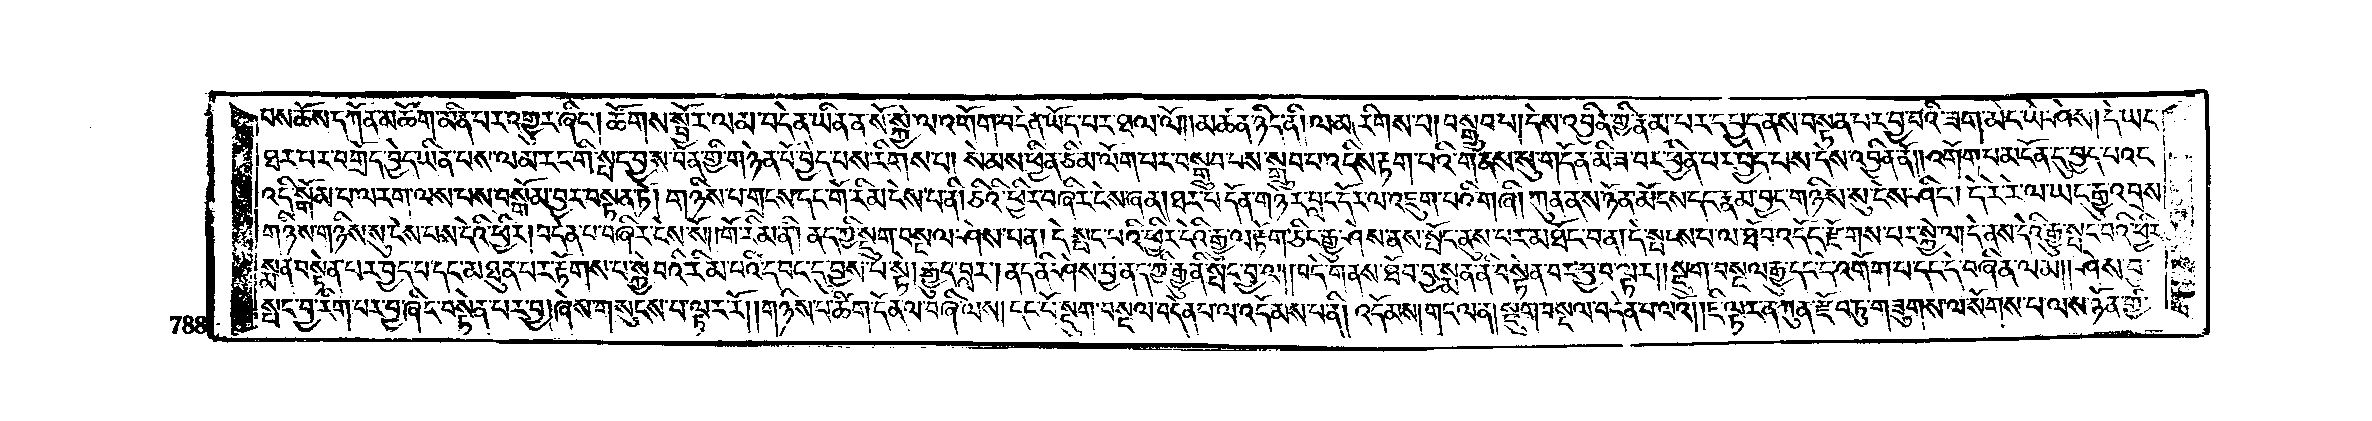པས་ཆོས་དཀོན་མཆོག་མིན་པར་འགྱུར་ཞིང་། ཚོགས་སྦྱོར་ལམ་བདེན་ཡིན་ན་སོ་སྐྱེ་ལ་འགོག་བདེན་ཡོད་པར་ཐལ་ལོ། །མཚན་ཉིད་ནི། ལམ། རིགས་པ། བསྒྲུབ་པ། ངེས་འབྱིན་གྱི་རྣམ་པར་དཔྱད་ནས་བསྟན་པར་བྱ་བའི་ཟག་མེད་ཡེ་ཤེས། དེ་ཡང་
ཐར་པར་བགྲོད་བྱེད་ཡིན་པས་ལམ་རང་གི་སྤང་བྱ་ས་བོན་གྱི་གཉེན་པོ་བྱེད་པས་རིགས་པ། སེམས་ཕྱིན་ཅི་མ་ལོག་པར་བསྒྲུབ་པས་སྒྲུབ་པ་འདིས་རྟག་པའི་གནས་སུ་གདོན་མི་ཟ་བར་ཕྱིན་པར་བྱེད་པས་དེས་འབྱིན་ནོ། །འགོག་པ་མངོན་དུ་བྱེད་པའང་
འདི་སྒོམ་པ་ལ་རག་ལས་པས་བསྒོམ་བྱར་བསྟན་ཏོ། །གཉིས་པ་གྲངས་དང་གོ་རིམ་ངེས་པ་ནི། ཅིའི་ཕྱིར་བཞིར་ངེས་ཞེ་ན། ཐར་པ་དོན་གཉེར་བླང་དོར་ལ་འཇུག་པའི་གཞི། ཀུན་ནས་ཉོན་མོངས་དང་རྣམ་བྱང་གཉིས་སུ་ངེས་ཤིང་། དེ་རེ་རེ་ལ་ཡང་རྒྱུ་འབྲས་
གཉིས་གཉིས་སུ་ངེས་པས་དེའི་ཕྱིར། བདེན་པ་བཞིར་ངེས་སོ། །གོ་རིམ་ནི། ནད་ཀྱི་སྡུག་བསྔལ་ཤེས་པ་ན། དེ་སྤང་པའི་ཕྱིར་དེའི་རྒྱུ་ལ་རྟོག་ཅིང་རྒྱུ་ཤེས་ནས་སྤོང་ནུས་པར་མཐོང་བ་ན། དེ་སྤངས་པ་ལ་ཐོབ་འདོད་རྫོགས་པར་སྐྱེ་ལ། དེ་ནས་དེའི་རྒྱུ་སྤང་པའི་ཕྱིར་
སྨན་བསྟེན་པར་བྱེད་པ་དང་མཐུན་པར་རྟོགས་པ་སྐྱེ་བའི་རིམ་པའི་དབང་དུ་བྱས་པ་སྟེ། རྒྱུད་བླར། ནད་ནི་ཤེས་བྱ་ནད་ཀྱི་རྒྱུ་ནི་སྤང་བྱ་ལ། །བདེ་གནས་ཐོབ་བྱ་སྨན་ནི་བསྟེན་པར་བྱ་བ་ལྟར། །སྡུག་བསྔལ་རྒྱུ་དང་དེ་འགོག་པ་དང་དེ་བཞིན་ལམ། །ཤེས་བྱ་
སྤང་བྱ་རིག་པར་བྱ་ཞིང་བསྟེན་པར་བྱ། ཞེས་གསུངས་པ་ལྟར་རོ། །གཉིས་པ་ཚིག་དོན་ལ་བཞི་ལས། དང་པོ་སྡུག་བསྔལ་བདེན་པ་ལ་འདོམས་པ་ནི། འདོམས། གང་ལ་ན། སྡུག་བསྔལ་བདེན་པ་ལའོ། །ཇི་ལྟར་ན་ཀུན་རྫོབ་ཏུ་གཟུགས་ལ་སོགས་པ་ལས་ཉོན་གྱི་